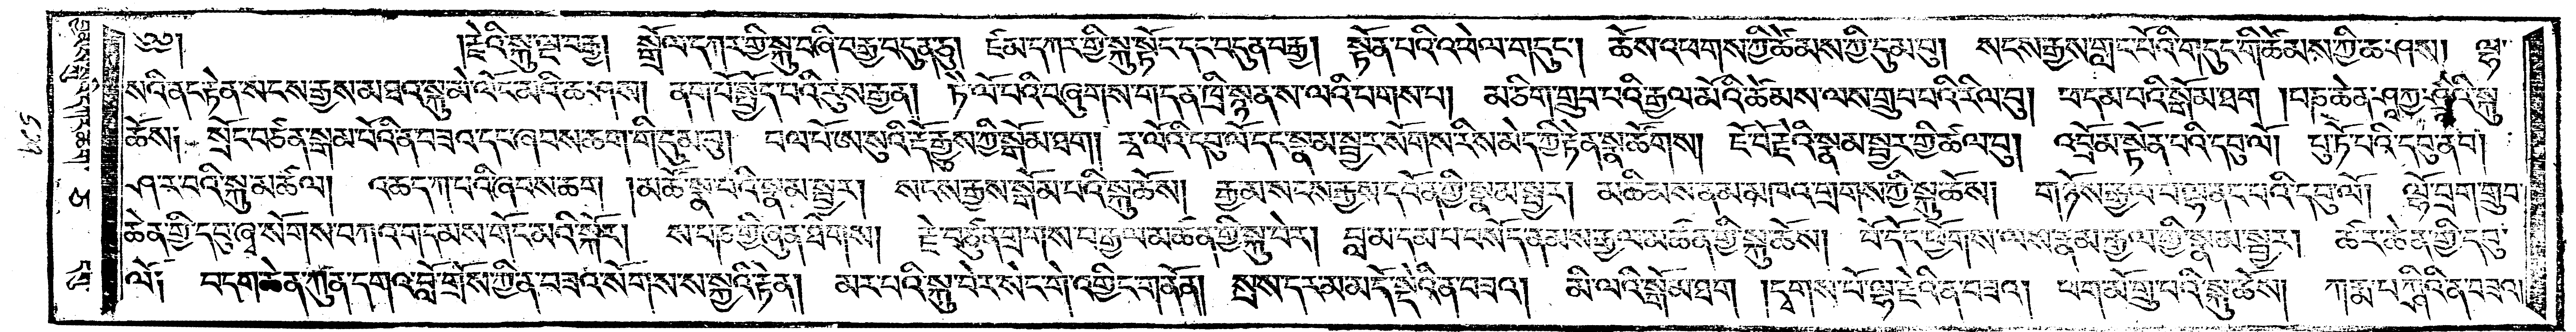༄༅། །རྗེའི་སྐུ་ལྔ་བརྒྱ། སྒྲོལ་དཀར་གྱི་སྐུ་བཞིབ་རྒྱ་བདུན་ཅུ། ཛམ་དཀར་གྱི་སྐུ་སྟོང་དང་བདུན་བརྒྱ། སྟོན་པའི་འཕེལ་གདུང་། ཆོས་འཕགས་ཀྱི་ཚེམས་ཀྱི་དུམ་བུ། སངས་རྒྱས་གླང་པོའི་གདུང་གི་ཚེམས་ཀྱི་ཆ་ཤས། ལྷ་
སའི་ནང་རྟེན་སངས་རྒྱས་མཐའ་སྐུ་མེ་ལོང་མའི་ཆ་ཤས། ནག་པོ་སྤྱོད་པའི་རུས་རྒྱན། ཏེ་ལོ་པའི་བཞུགས་གདན་ཁྲི་སྙན་ས་ལའི་པགས་པ། མ་ཅིག་གྲུབ་པའི་རྒྱལ་མོའི་ཚེམས་ལས་གྲུབ་པའི་རིལ་བུ། ཕ་དམ་པའི་སྒོམ་ཐག །པཎ་ཆེན་ཤཱཀྱ་ཤྲཱིའི་སྐུ་
ཆོས༑ སྲོང་བཙན་སྒམ་པོའི་ན་བཟའ་དང་ཞབས་ཆག་གི་དུམ་བུ། །བལ་པོ་ཨ་སུའི་རྡོ་རྒྱུས་ཀྱི་སྒོམ་ཐག། རྭ་ལོའི་དབུ་ལོ་དང་སྣམ་སྦྱར་སོགས་རིས་མེད་ཀྱི་རྟེན་སྣ་ཚོགས། །ཇོ་བོ་རྗེའི་སྣམ་སྦྱར་གྱི་ཚལ་བུ། འབྲོམ་སྟོན་པའི་དབུ་ལོ། པུ་ཏོ་པའི་དབུ་ནབ།
ཤར་བའི་སྐུ་མཚལ། འཆད་ཀ་བའི་ཞབས་ཆག །མཚོ་སྣ་པའི་སྣམ་སྦྱར། སངས་རྒྱས་སྒོམ་པའི་སྐུ་ཆོས། རྒྱ་མ་སངས་རྒྱས་དཔོན་གྱི་སྣམ་སྦྱར། མཆིམས་ནམ་མཁའ་གྲགས་ཀྱི་སྐུ་ཆོས། གཉོས་རྒྱལ་བ་ལྷ་ནང་པའི་དབུ་ལོ། ལྷོ་བྲག་གྲུབ་
ཆེན་གྱི་དབུ་ཞྭ་སོགས་བཀའ་གདམས་གོང་མའི་སྐོར། ས་པཎ་གྱི་ཞུན་ཐིགས། རྗེ་བཙུན་གྲགས་པ་རྒྱལ་མཚན་གྱི་སྐུ་བར། བླ་མ་དམ་པ་བསོད་ནམས་རྒྱལ་མཚན་གྱི་སྐུ་ཆོས། བོ་དོང་ཕྱོགས་ལས་རྣམ་རྒྱལ་གྱི་སྣམ་སྦྱར། ཚར་ཆེན་གྱི་དབུ་
ལོ༑ བདག་ཆེན་ཀུན་དགའ་བློ་གྲོས་ཀྱི་ན་བཟའ་སོགས་ས་སྐྱའི་རྟེན། མར་པའི་སྐུ་པེར་སེང་གེ་འགྱིང་གནོན། སྲས་དར་མ་མདོ་སྡེའི་ན་བཟའ། མི་ལའི་སྒོམ་ཐག །དྭགས་པོ་ལ་རྗེའི་ན་བཟད། ཕག་མོ་གྲུ་བའི་སྐུ་ཆོས། ཀརྨ་པཀྴིའི་ན་བཟལ་